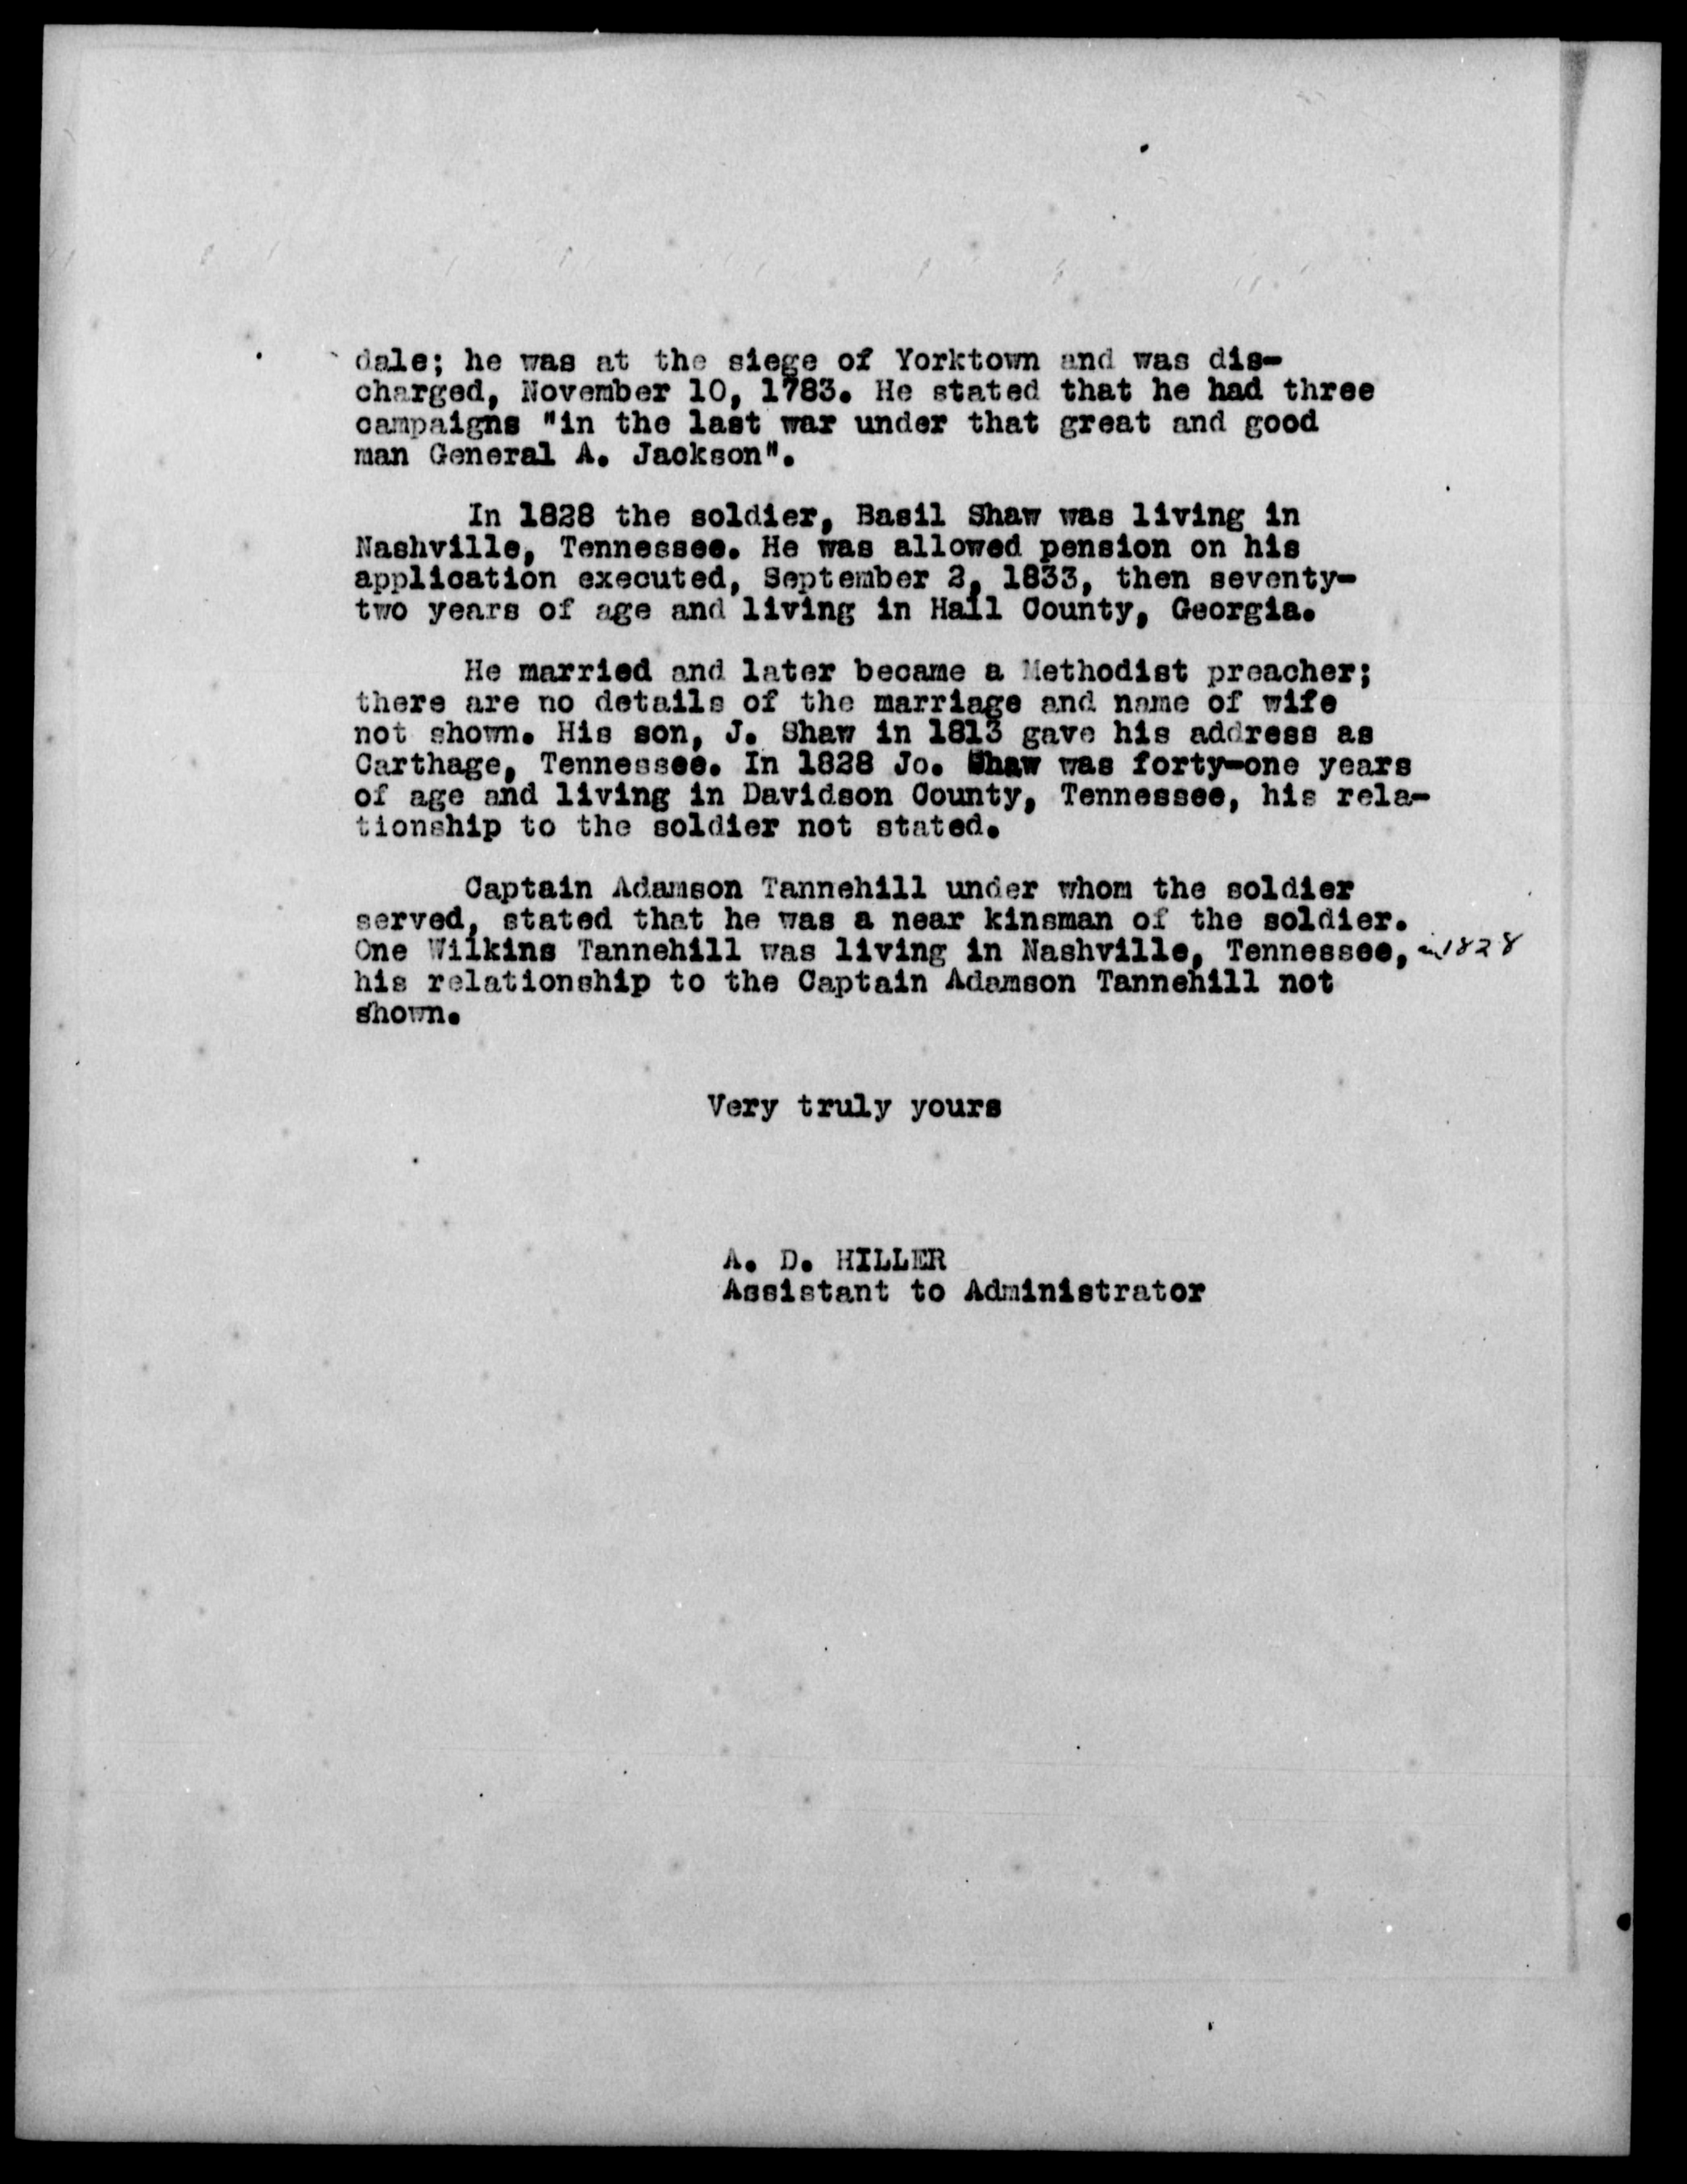Lansdale; he was at the siege of Yorktown and was discharged,
November 10, 1783. He stated that he had three
campaigns "in the last war under that great and good
man General A. Jackson".
In 1828 the soldier, Basil Shaw was living in
Nashville, Tennessee. He was allowed a pension on his
application executed, September 2, 1833, then seventy
two years of age and living in Hall County, Georgia.
He married and later became a Methodist preacher;
there are no details of the marriage and name of wife
not shown. His son, J. Shaw in 1813 gave his address as
Carthage, Tennessee. In 1828 Jo. Shaw was forty-one years
of age and living in Davidson County, Tennessee, his
relationship to the soldier not stated.
Captain Adamson Tannehill under whom the soldier
served, stated that he was a near kinsman of the soldier.
One Wilkins Tannehill was living in Nashville, Tennessee,
his relationship to the Captain Adamson Tannehill not
shown.
Very truly yours
A.D. Hiller
Assistant to Administrator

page: 11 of 32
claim: survivor's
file: S. 16,526, for Basil Shaw, Maryland